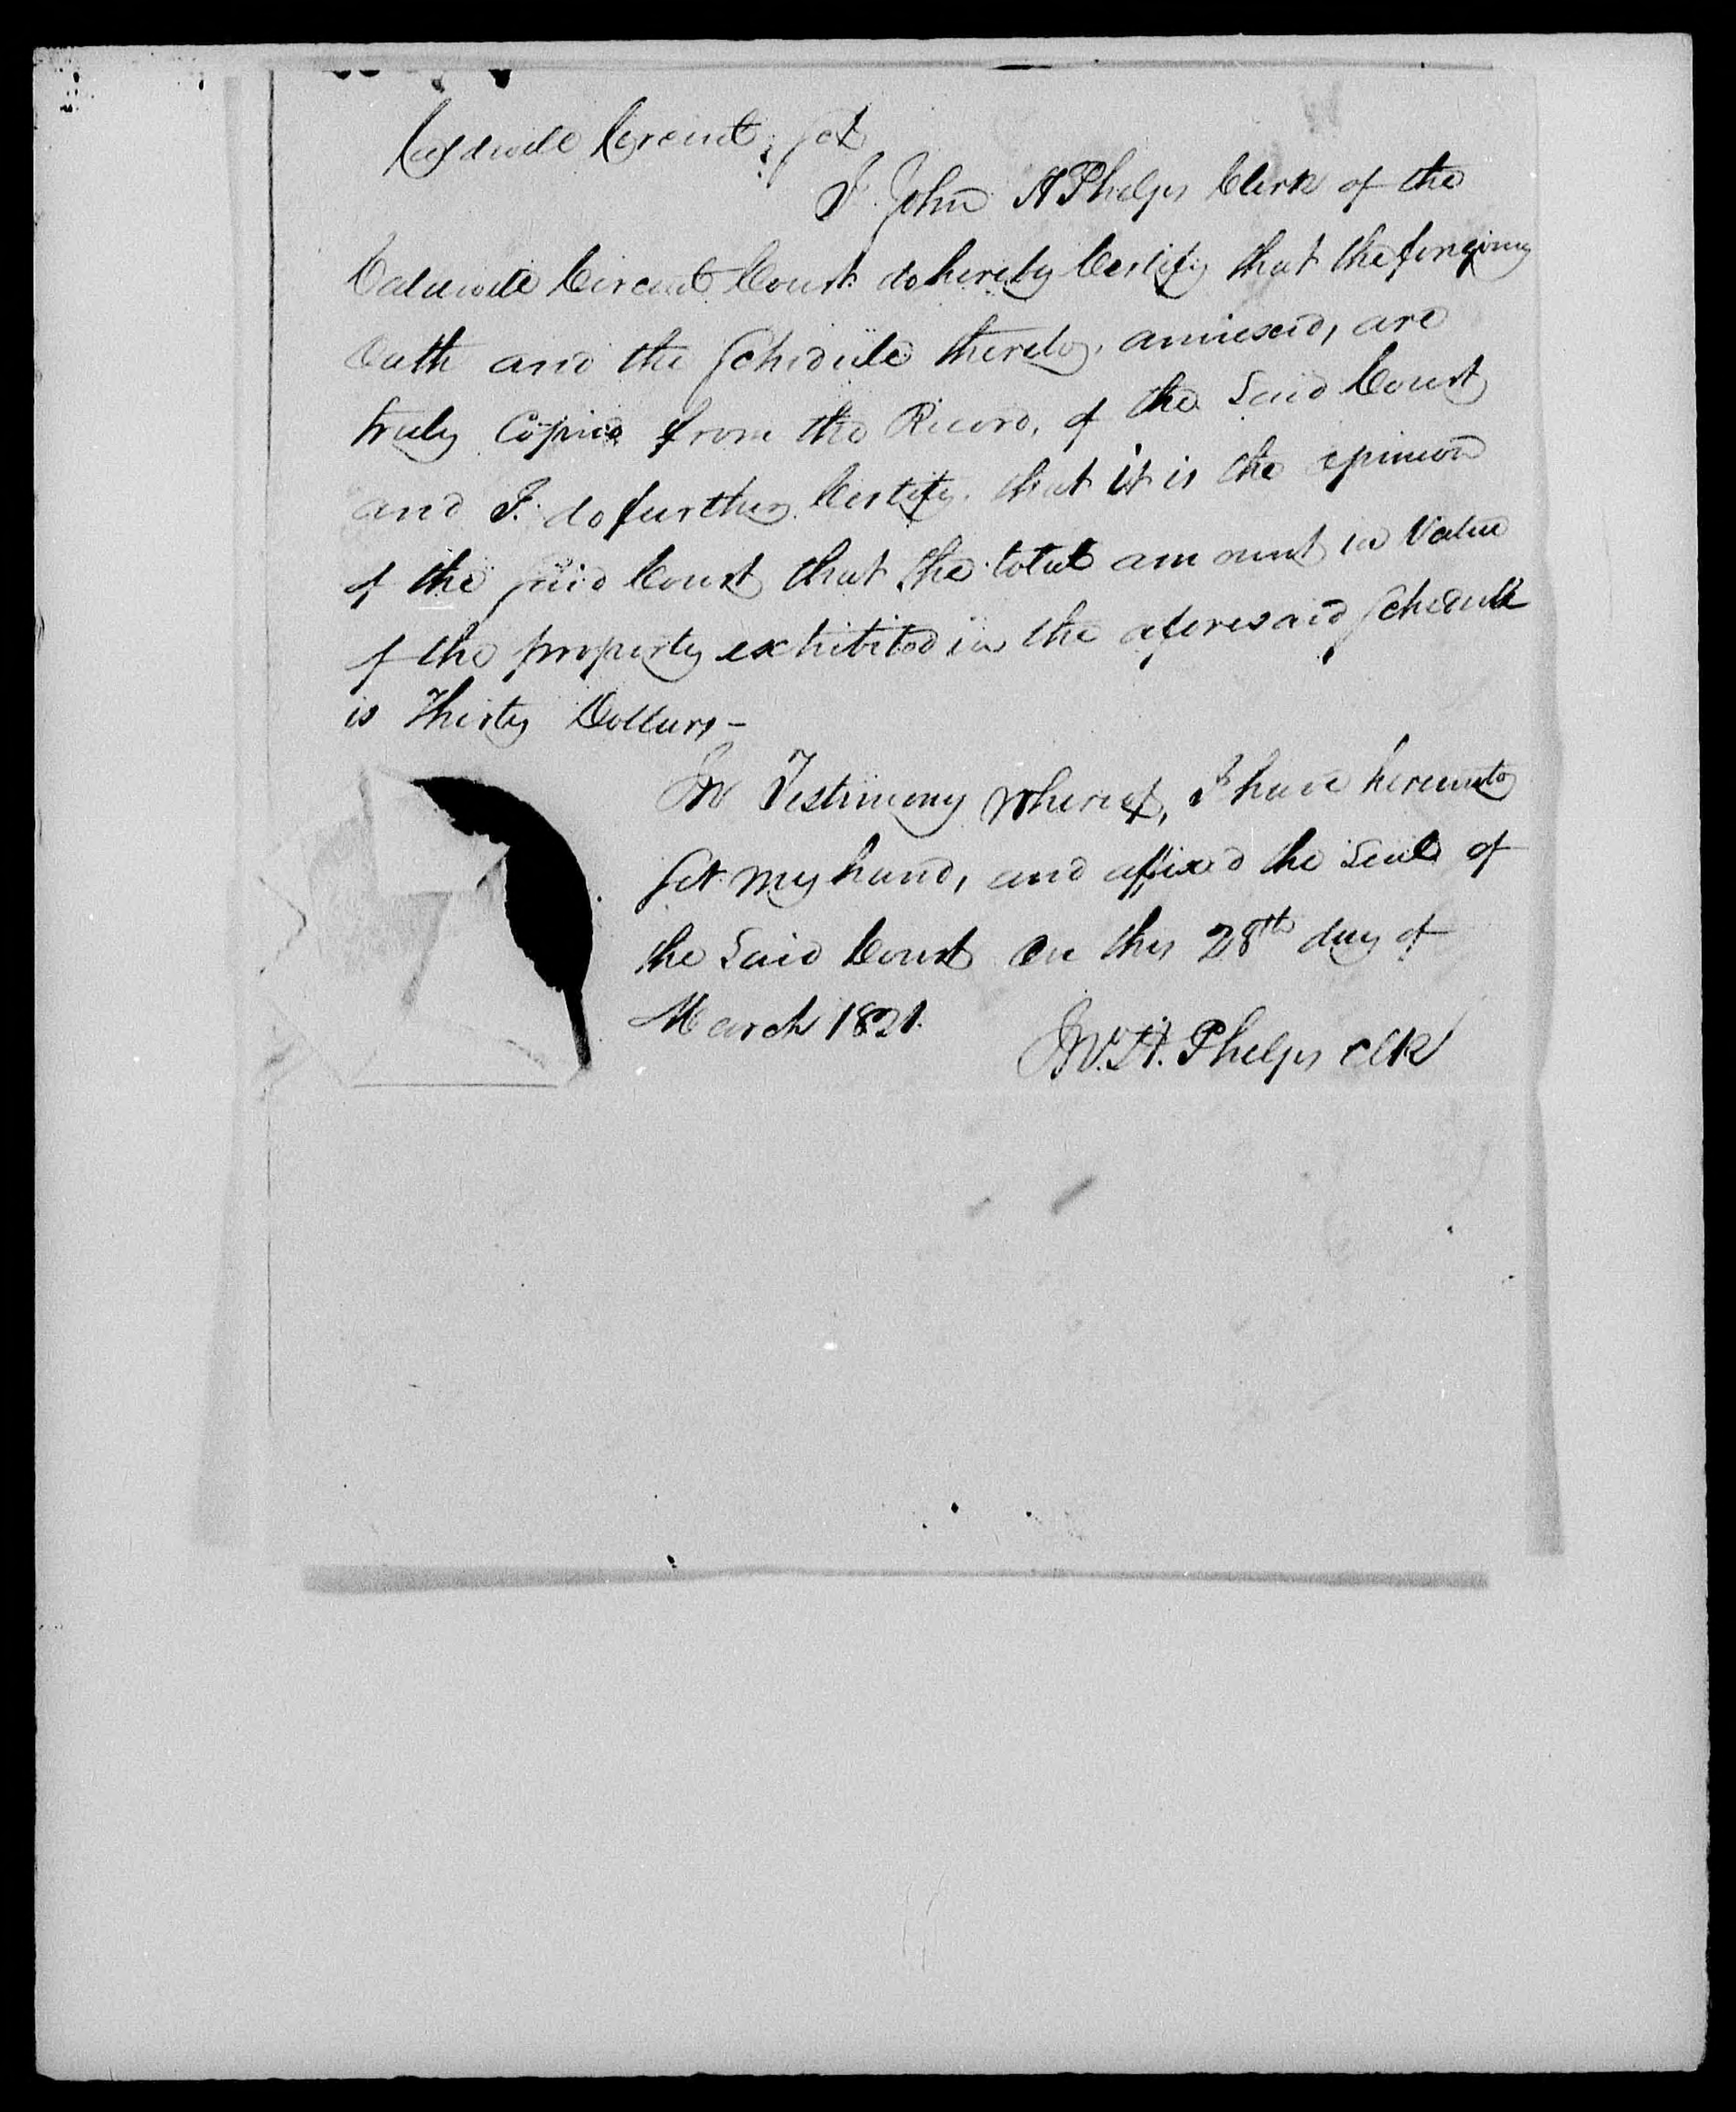Caldwell Circuit Sct
I John H Phelps Clerk of the Caldwell Circuit Court do hereby Certify that the foregoing Oath and the schedule thereto annexed, are truly copies from the Record of the said Court and I do further certify that it is the opinion of the said Court that the total amount in value of the property exhibited in the aforesaid Schedule is Thirty Dollars- 
In Testimony whereof, I have hereunto set my hand and affixed the seal of the said Court on this 28th day of March 1821 Jno. H. Phelps Clk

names: Jno H Phelps, John H Phelps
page: 42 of 51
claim: widow's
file: W. 27,409, William Dunnington, Md.